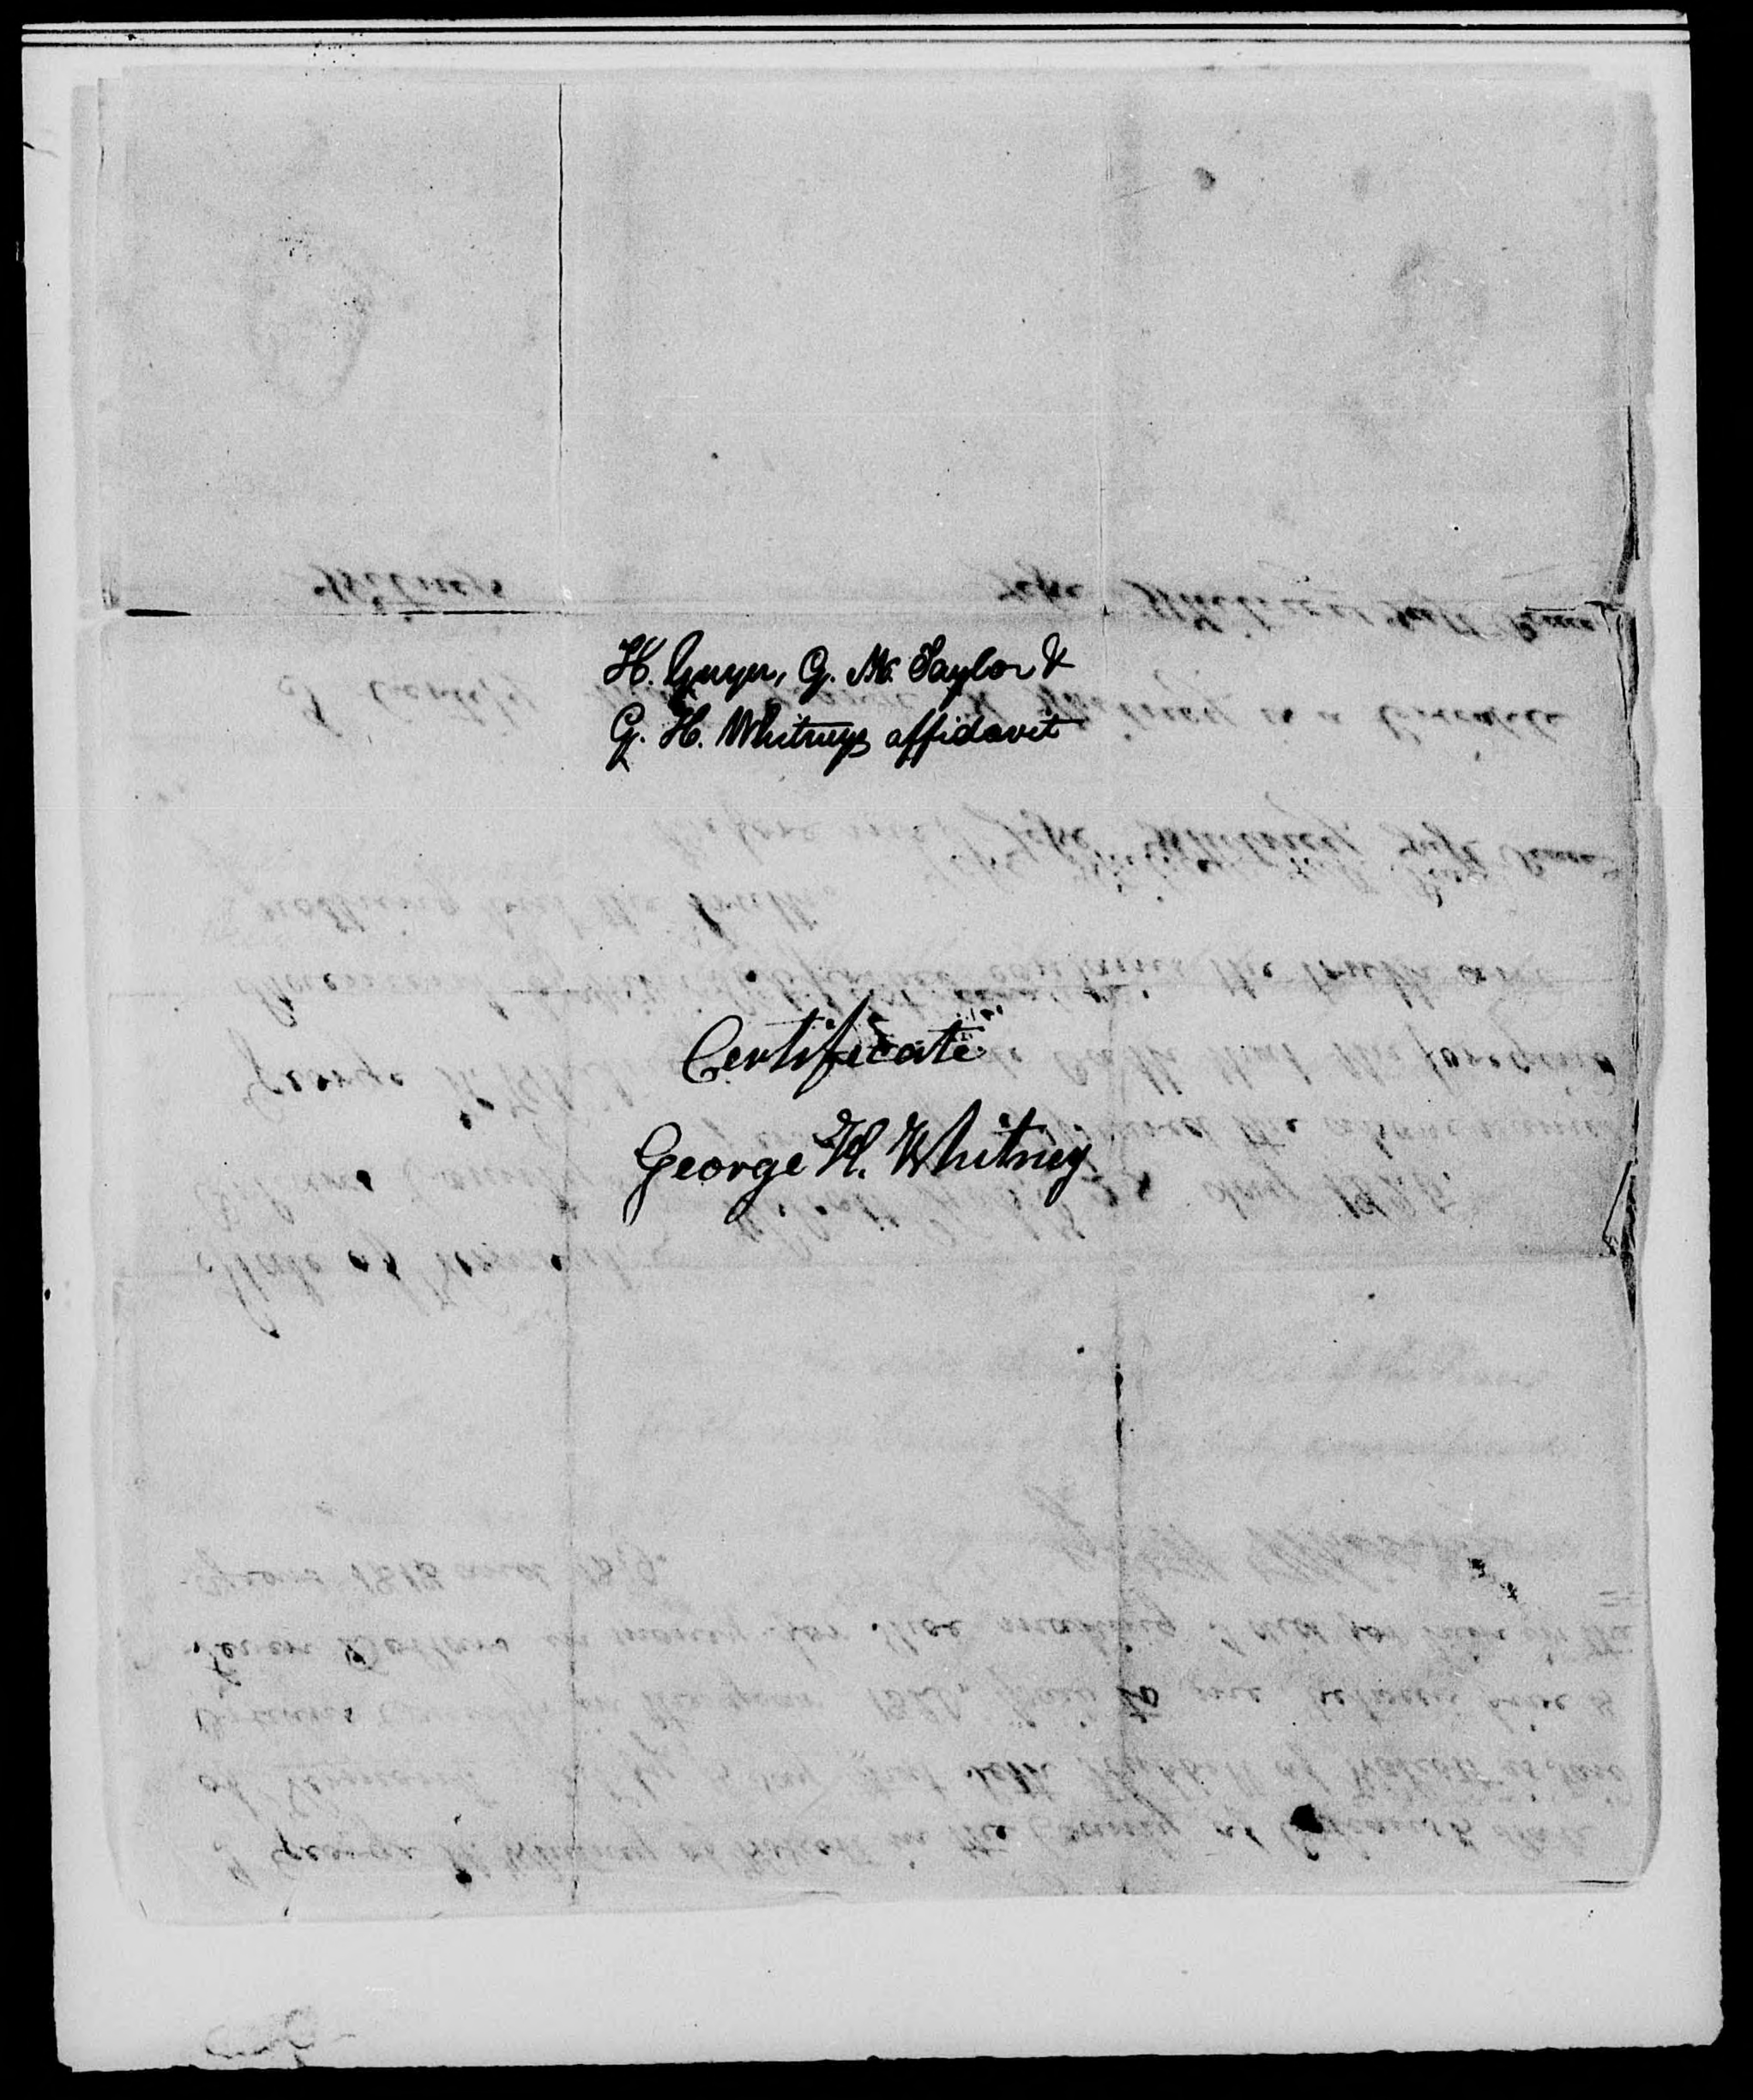H. Guyer, G. M Taylor & G.H Whitney affidavit

Certificate
George H Whitney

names: H Guyer, George H Whitney, G M Taylor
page: 99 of 114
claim: widow's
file: W. 2115, Seth Hubbell, Conn.